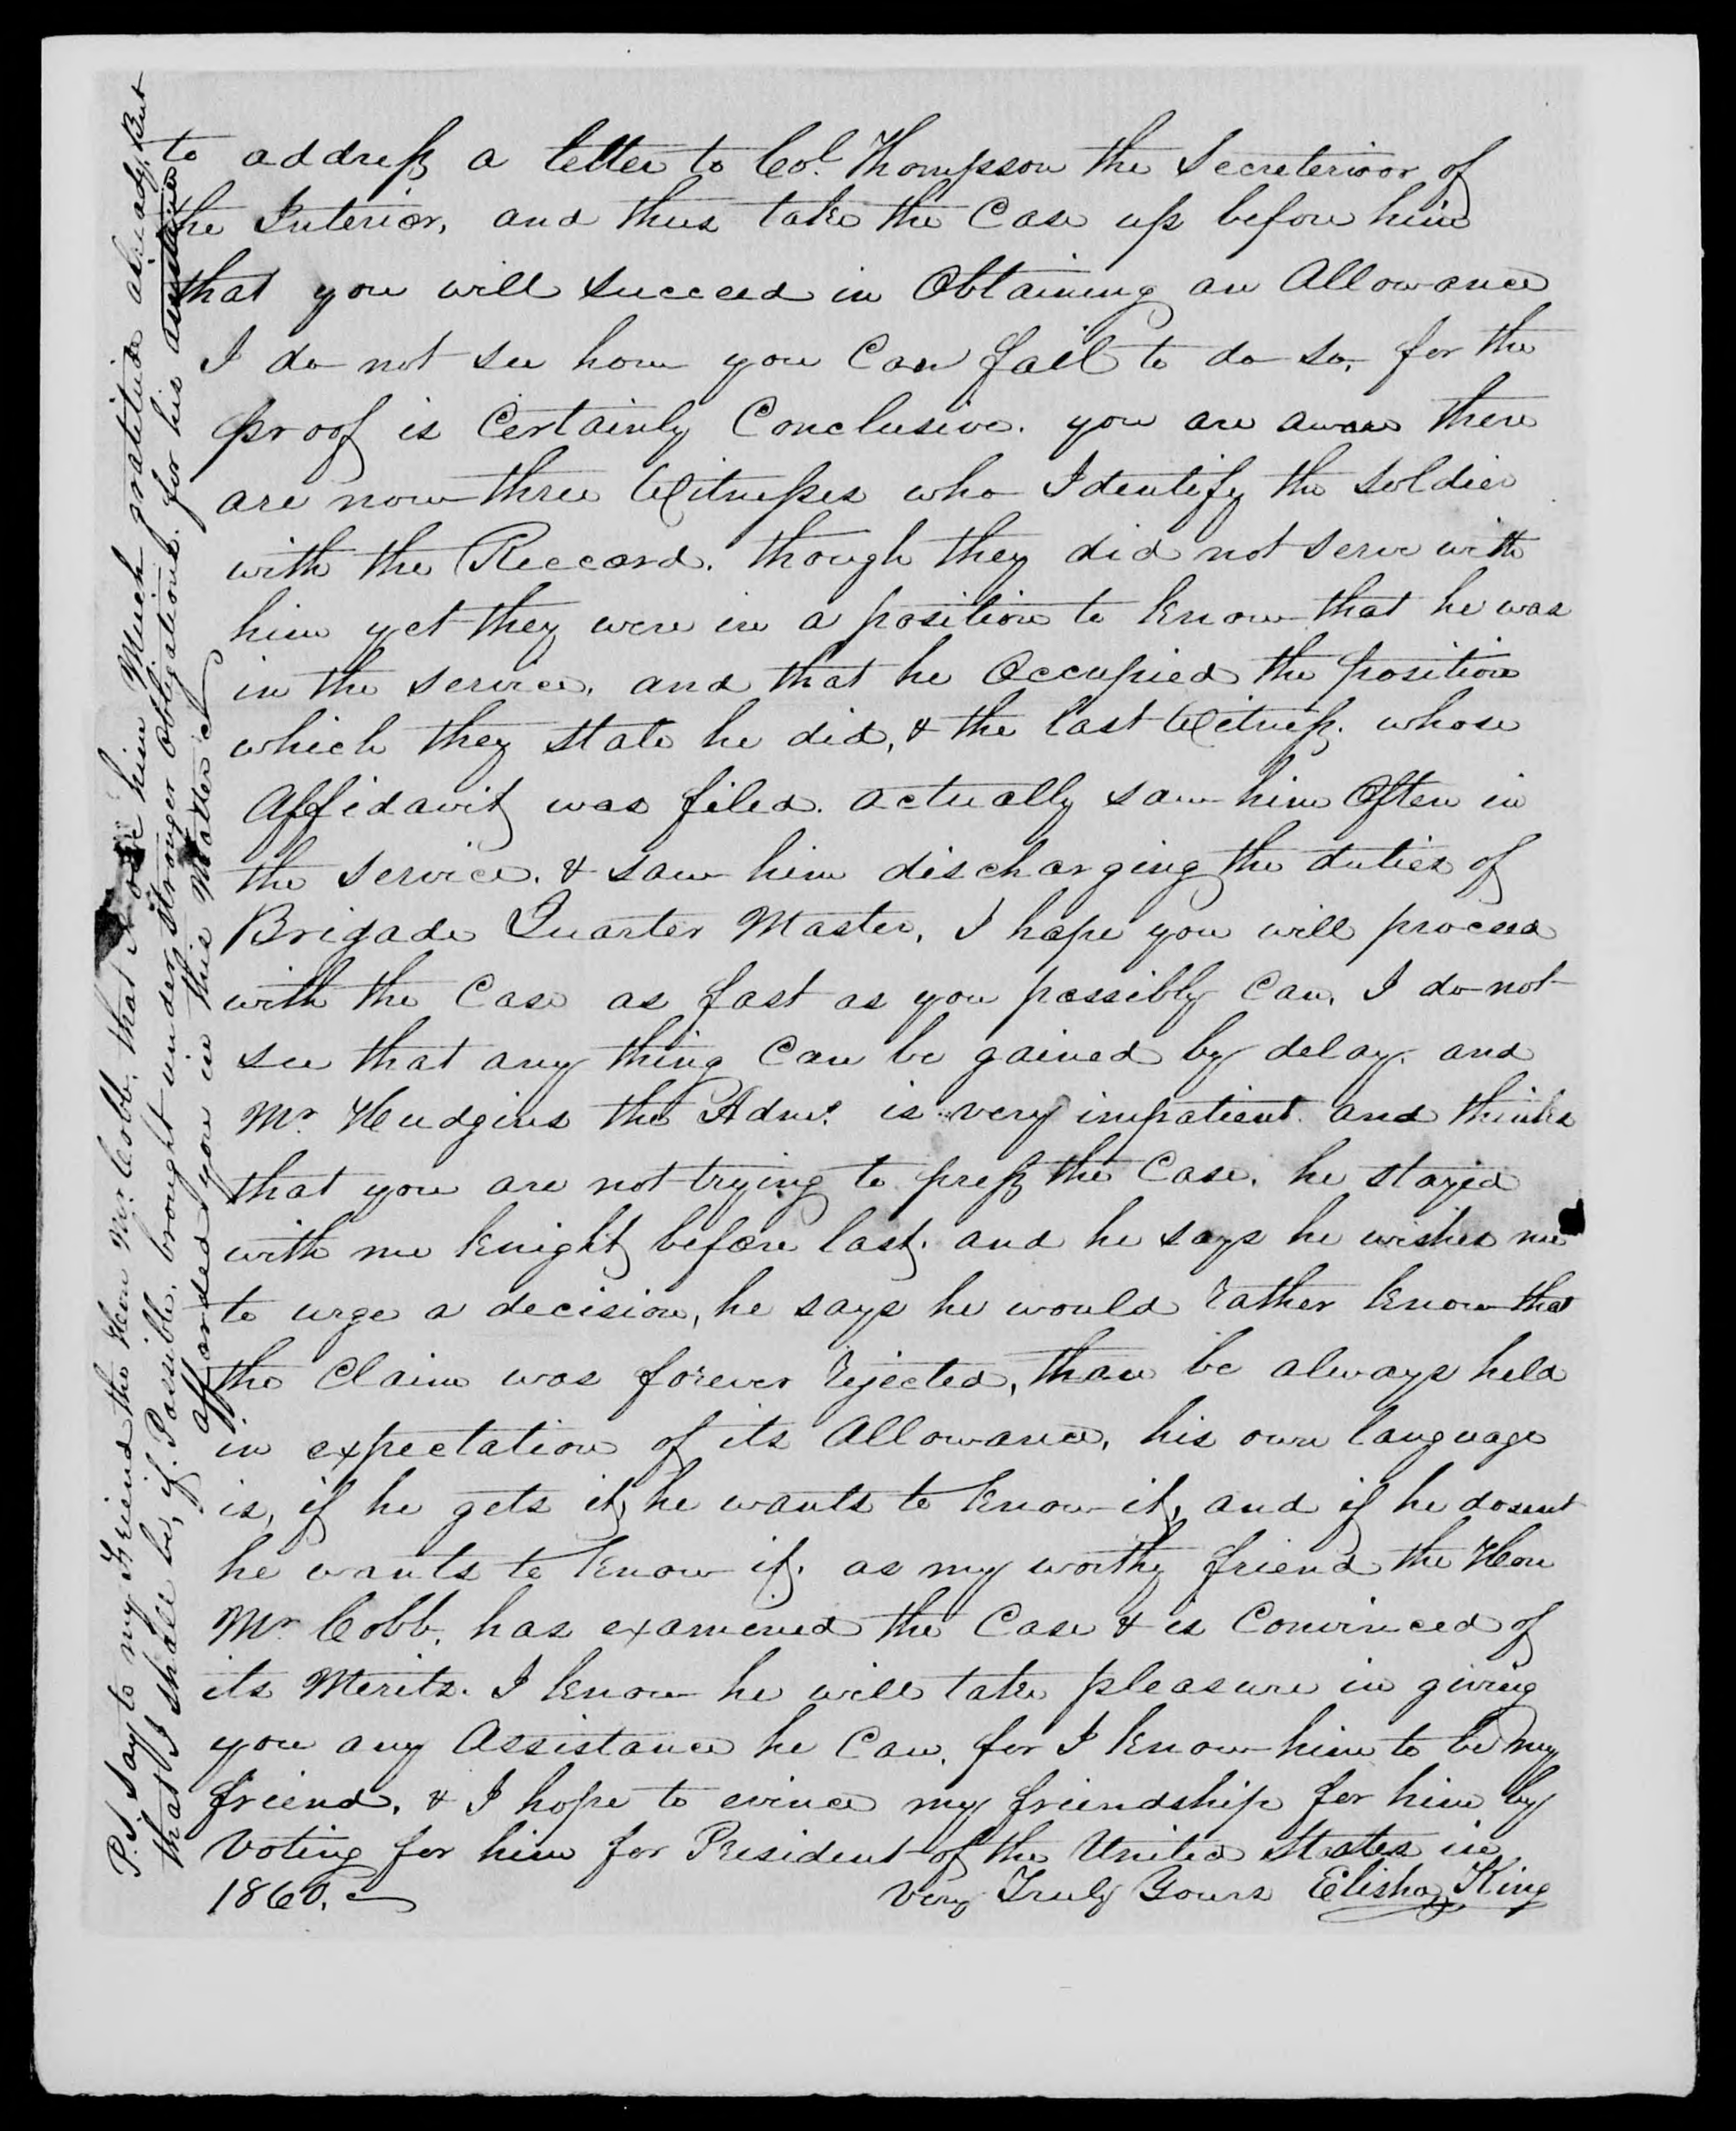*This document has writing along the left edge vertically and states the following:

PS Say to my dear friend Mr. Cobb that I owe him much gratitude already but that I shall be, if possible, brought under strong obligation for his assistance afforded you in this matter.

Now the document starts horizontally as follows:

To address a letter to Col Thompson the Secreteris of the Interior, and thus take the case up before him that you will succeed in obtaining an allowance. I do not see how you can fail to do so, for the proof is certainly conclusive. You are aware now there are three certificates who identify the soldier with the record though they did not serve with him yet they were in a position to know that he was in the service and know that he occupied the position which they state he did and the last certificate whose affidavit was filed actually saw him often in the service, and saw him discharging the duties of Brigade Quarter Master. I hope you will proceed as fast as you possibly can. I do not see that anything can be gained by delay. Mr. Hudgins the (not legible) is very impatient and thinks that you are not trying to prep the case. He stayed with me the knight before last, and he says he wished me to urge a decision. He says that he would rather know that the claim was forever rejected, than be always held in expectation, of its allowance, his own language is if he gets it, and if he doesn’t,  he wants to know if, as my worthy friend, the Hon. Mr. Cobb, has examined the case,  and is convinced of its merits. I know he will take pleasure in giving you any assistance he can, for I know him to be my friend, and I hope to (not legible) my friendship for him by voting for him for Resident of the United States in 1860 - Very Truly Yours Elisha King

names: Elisha King, Cobb, Hudgins, Thompson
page: 98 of 108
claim: rejected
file: R. 7,515, John Hudgins, N.C.